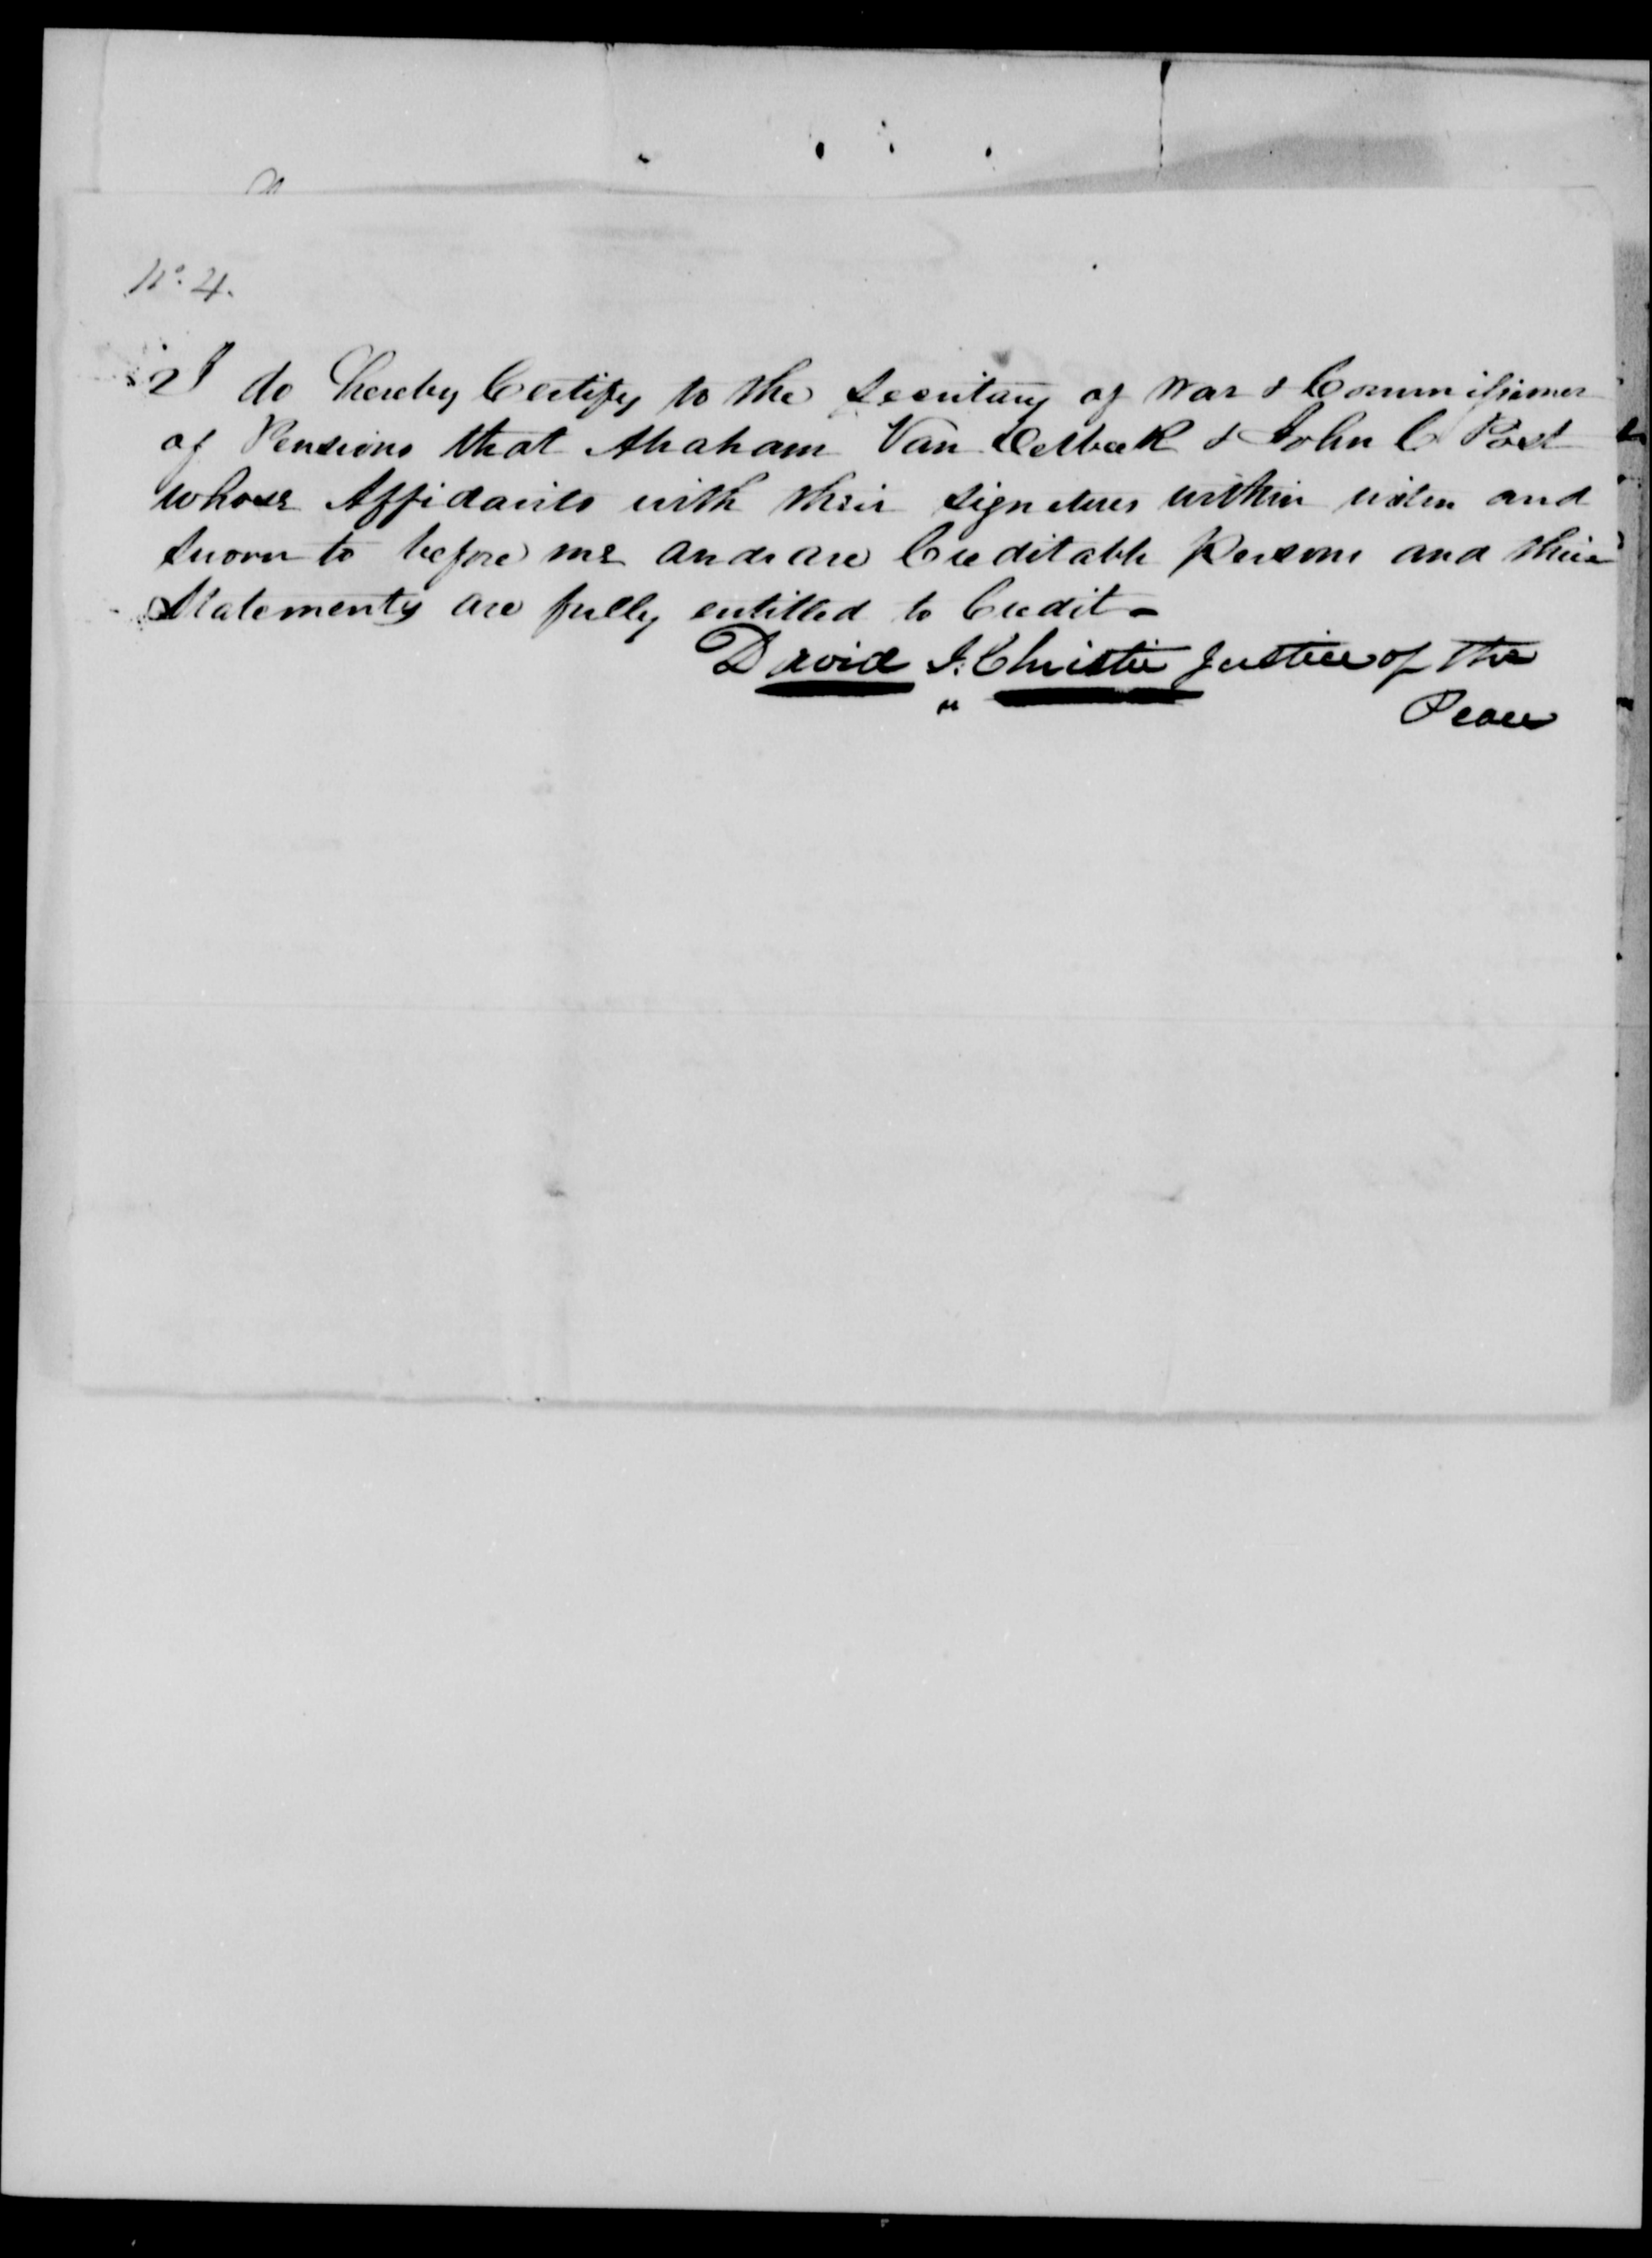No. 4.
I do hereby certify to the Secretary of War & Commissioner of Pensions that Abraham Van Derbeek & John C. Post whose affidavits with their signatures within written and Sworn to before me and are creditable persons and their
Statements are fully entitled to Credit-
David J. Christie Justice of the Peace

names: David J Christie; John C Post; Abraham Van Derbeck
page: 28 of 30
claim: survivor's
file: S. 1104, for Simon Simonson, New Jersey